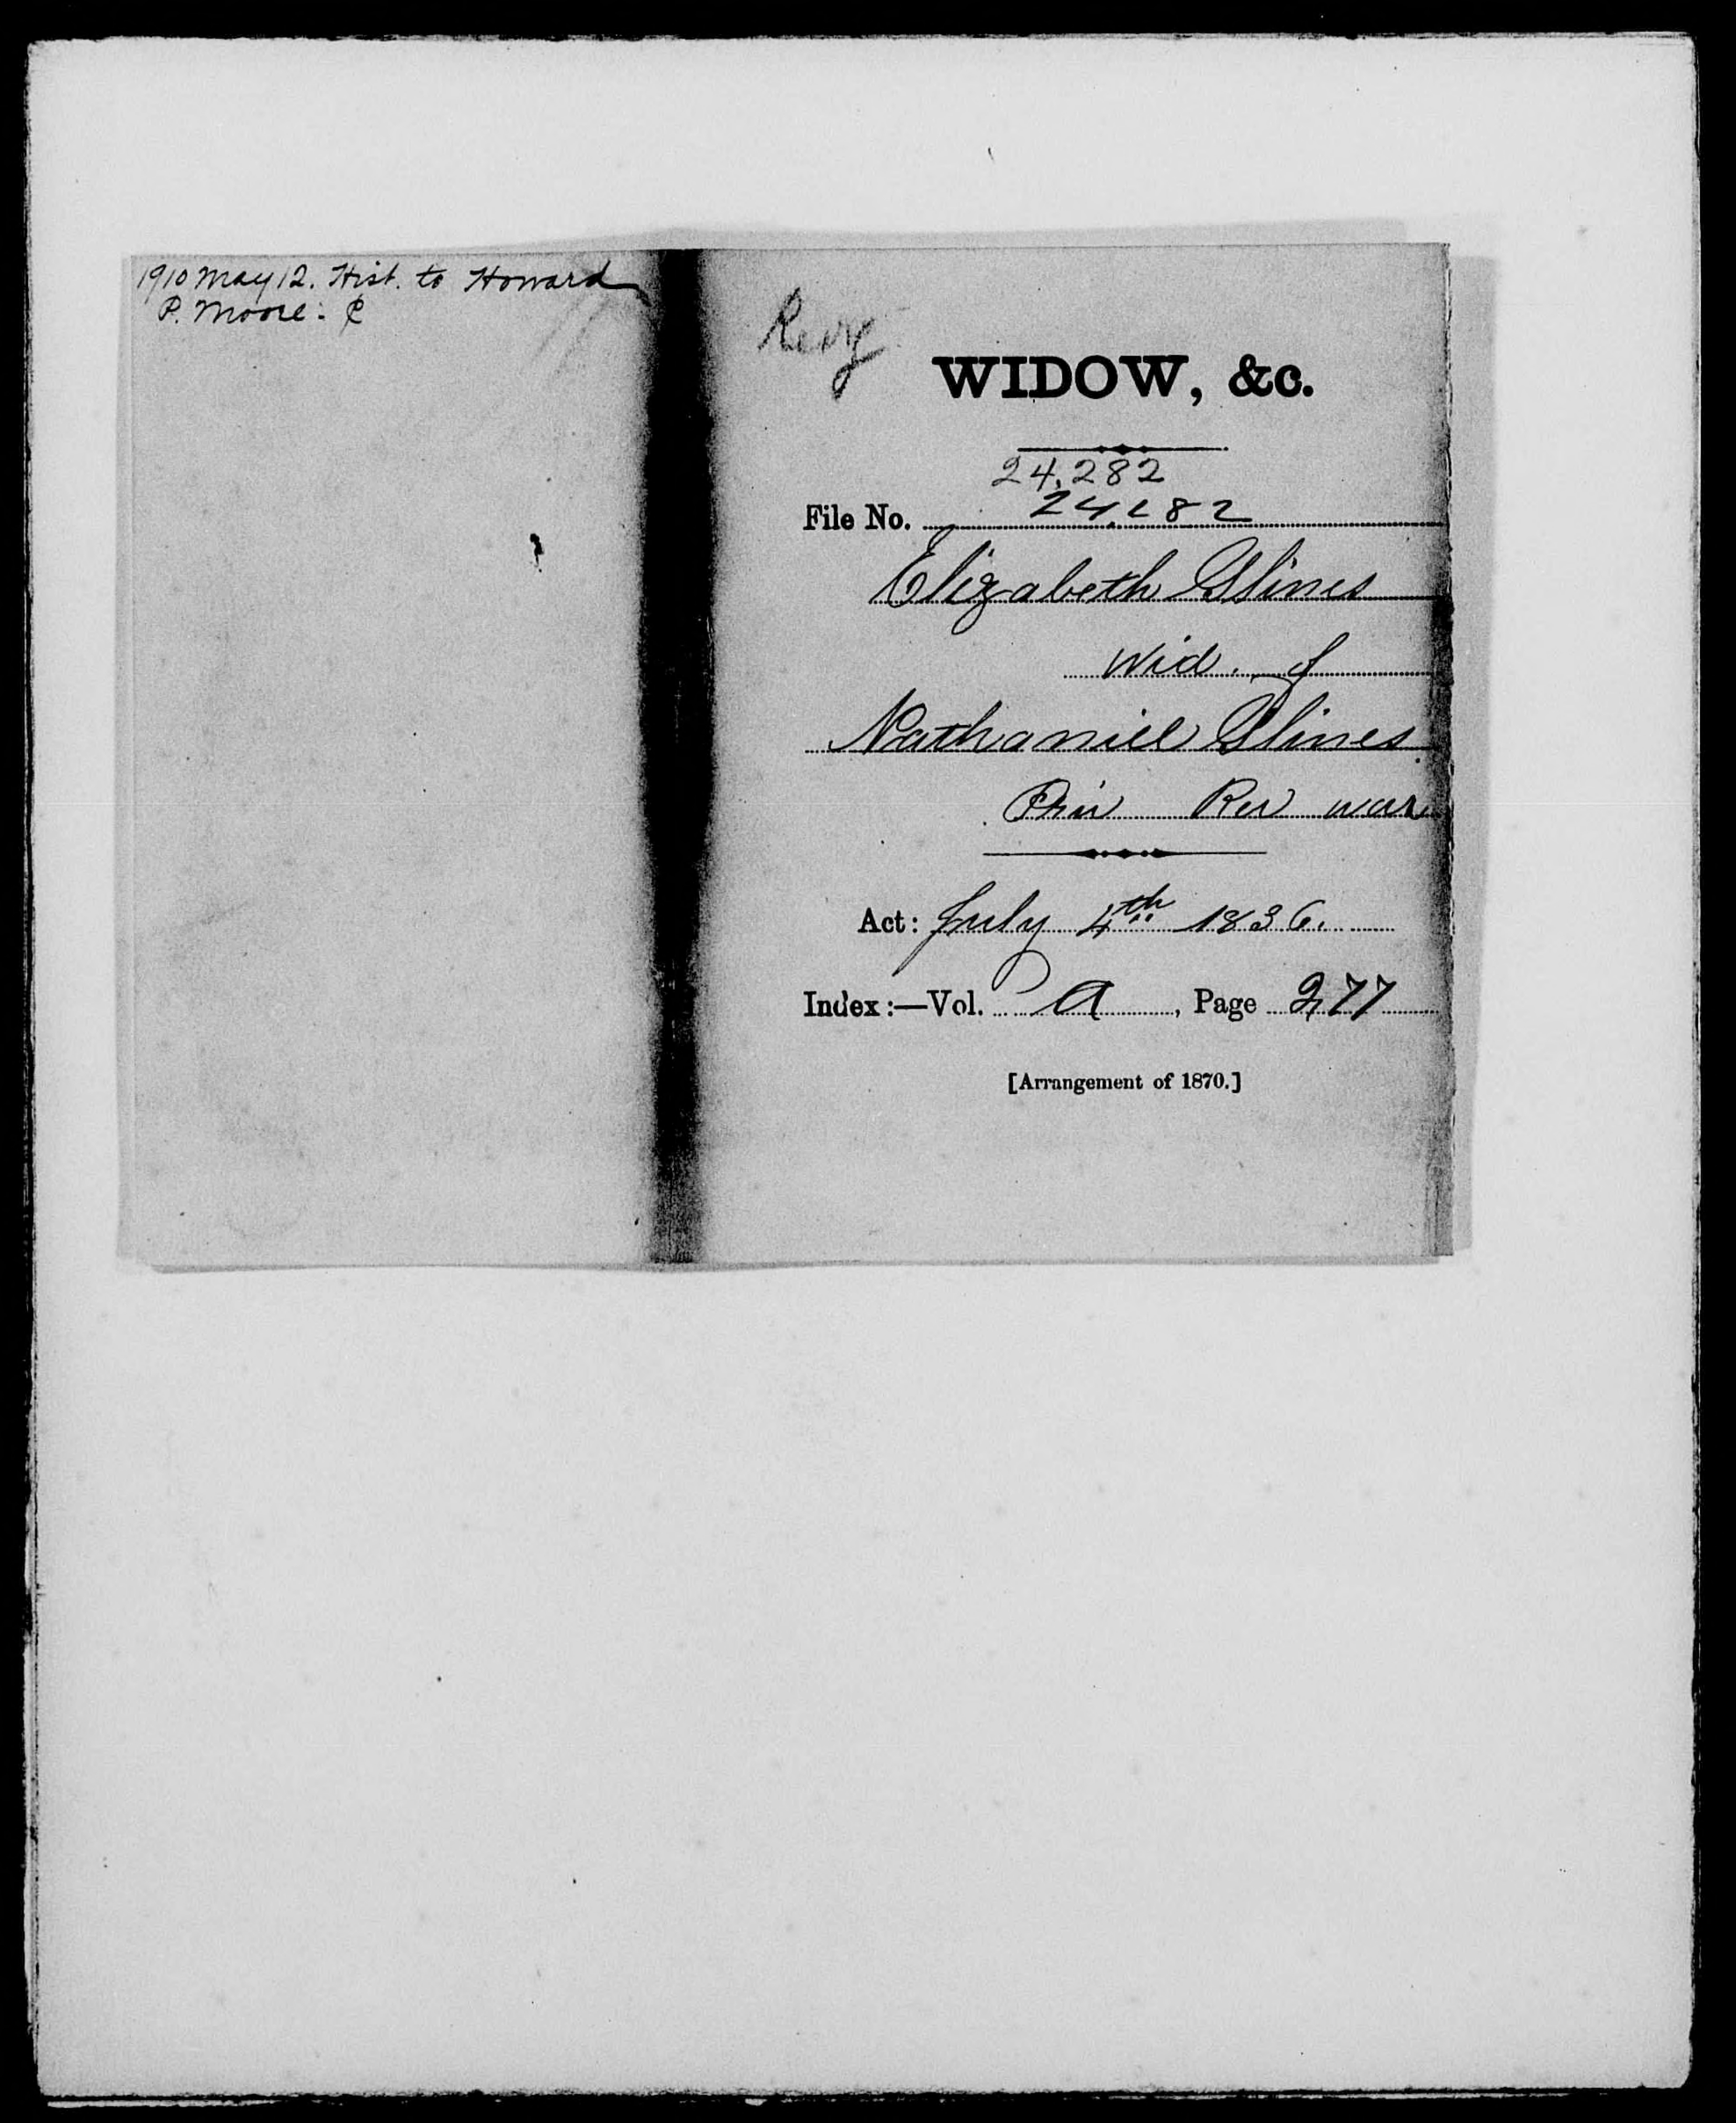[left side of page]

1910 May 12.  Hist. to Howard
P. Moore  c/

[right side of page]

Revy WIDOW, &c.

File No. 24,282  24,282

Elizabeth Glines
Wid. of
Nathaniel Glines
Priv  Rev  War

Act:  July 4th 1836.

Index:--Vol. A,  Page 277

[Arrangement of 1870.]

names: Elizabeth Glines, Howard P Moore, Nathaniel Glines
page: 20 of 29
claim: widow's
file: W. 24,282, Nathaniel Glines, N.H.